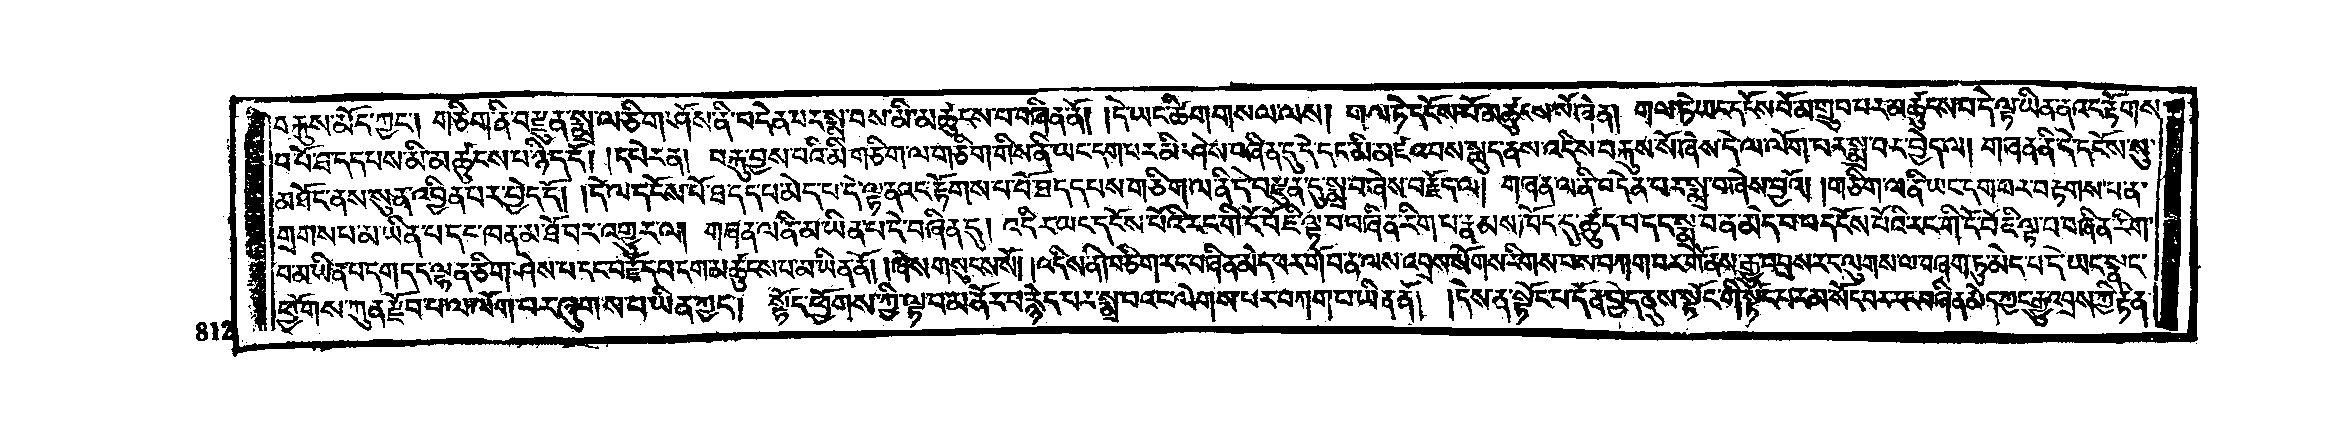བརྐུས་མོད་ཀྱང་། གཅིག་ནི་བརྫུན་སྨྲ་ལ་ཅིག་ཤོས་ནི་བདེན་པར་སྨྲ་བས་མི་མཚུངས་པ་བཞིན་ནོ། །དེ་ཡང་ཚིག་གསལ་ལས། གལ་ཏེ་དངོས་པོ་མཚུངས་སོ་ཞེ་ན། གལ་ཏེ་ཡང་དངོས་པོ་མ་གྲུབ་པར་མཚུངས་པ་དེ་ལྟ་ཡིན་ནའང་རྟོགས་
པ་པོ་ཐ་དད་པས་མི་མཚུངས་པ་ཉིད་དོ། །དཔེར་ན། བརྐུ་བྱས་པའི་མི་གཅིག་ལ་གཅིག་གིས་ནི་ཡང་དག་པར་མི་ཤེས་བཞིན་དུ་དེ་དང་མི་མཛའ་བས་སྦུད་ནས་འདིས་བརྐུས་སོ་ཞེས་དེ་ལ་ལོག་པར་སྨྲ་བར་བྱེད་ལ། གཞན་ནི་དེ་དངོས་སུ་
མཐོང་ནས་སུན་འབྱིན་པར་བྱེད་དོ། །དེ་ལ་དངོས་པོ་ཐ་དད་པ་མེད་པ་དེ་ལྟ་ནའང་རྟོགས་པ་པོ་ཐ་དད་པས་གཅིག་ལ་ནི་དེ་བརྫུན་དུ་སྨྲ་བ་ཞེས་བརྗོད་ལ། གཞན་ལ་ནི་བདེན་པར་སྨྲ་བ་ཞེས་བྱའོ། །གཅིག་ལ་ནི་ཡང་དག་པར་བརྟགས་པ་ན་
གྲགས་པ་མ་ཡིན་པ་དང་ཁ་ན་མ་ཐོ་བར་འགྱུར་ལ། གཞན་ལ་ནི་མ་ཡིན་པ་དེ་བཞིན་དུ། འདིར་ཡང་དངོས་པོའི་རང་གི་ངོ་བོ་ཇི་ལྟ་བ་བཞིན་རིག་པ་རྣམས་ཁོང་དུ་ཆུད་པ་དང་སྨྲ་བ་ན་མེད་པ་པ་?་དངོས་པོའི་རང་གི་ངོ་བོ་ཇི་ལྟ་བ་བཞིན་རིག་
པ་མ་ཡིན་པ་དག་དང་ལྷན་ཅིག་ཤེས་པ་དང་བརྗོད་པ་དག་མཚུངས་པ་མ་ཡིན་ནོ། །ཞེས་གསུངས་སོ། །འདིས་ནི་ཁ་ཅིག་རང་བཞིན་མེད་པར་གོ་བ་ན་ལས་འབྲས་སོགས་རིགས་པས་བཀག་པར་གོ་ནས་རྒྱུ་འབྲས་རང་ལུགས་ལ་བཞག་ཏུ་མེད་པ་དེ་ཡང་སྣང་
ཕྱོགས་ཀུན་རྫོབ་པ་ལ་ལོག་པར་ཞུགས་པ་ཡིན་ཀྱང་། སྟོང་ཕྱོགས་ཀྱི་ལྟ་བ་མ་ནོར་བ་རྙེད་པར་སྨྲ་བའང་ལེགས་པར་བཀག་པ་ཡིན་ནོ། །དེས་ན་སྟོང་པ་དོན་བྱེད་ནུས་སྟོང་གི་སྟོང་པར་མ་སོང་བར་རང་བཞིན་མེད་ཀྱང་རྒྱུ་འབྲས་ཀྱི་རྟེན་